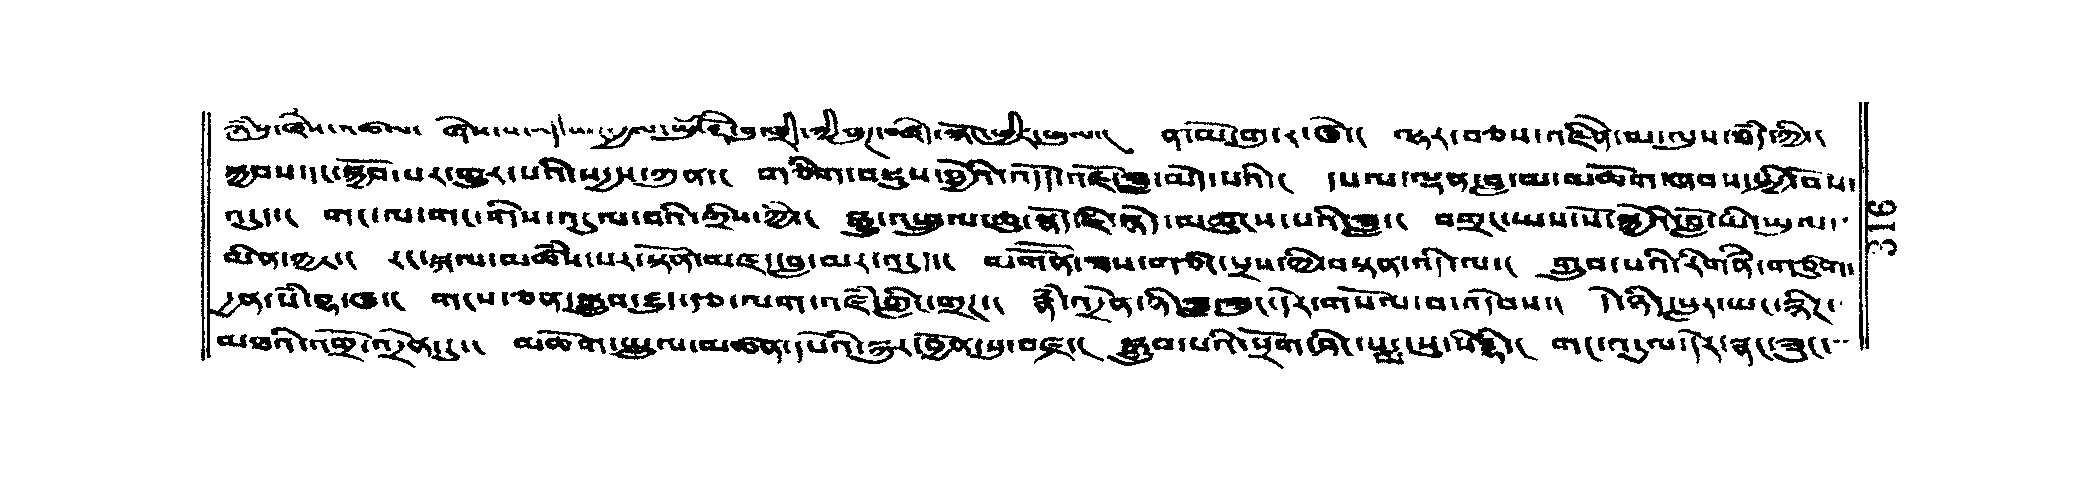ཉམས་སུ་ཞེས་འཚལ། ཞེས་པ་འདི་ཡང་རྒྱལ་ཡུམ་རྡོ་རྗེ་བུ་ཁྲིད་ཀྱི་ཐུགས་བཞེད་སྐོང་ཕྱིར་ཕུལ།། ན་མོ་གུ་ར་ཝེ། ལྷར་བཅས་འཇིག་རྟེན་མ་ལུས་ཐམས་ཅད་ཀྱི། །
སྐྱབས་དང་སྐྱོབ་པར་གྱུར་པའི་སངས་རྒྱས་ཀུན། །གཅིག་བསྡུས་ཐུགས་རྗེའི་འདོད་འཇོ་ཟླ་མེད་པའི། །དཔལ་ལྡན་བླ་མ་མཆོག་ཞབས་སྤྱི་བོས་
འདུད། །གང་ལ་གང་གིས་འདུལ་བའི་ཕྲིན་ལས་ཀྱི། །སྒྱུ་འཕྲུལ་ཆུ་སྣོད་ཇི་སྙེད་མཚུངས་པའི་ཟླ། །བགྲང་ཡས་སོ་སྐྱེའི་བློ་ཡི་ཡུལ་
མིན་ཀྱང་། །རང་སྐལ་འཚམས་པར་སྟོན་མཛད་བླ་མར་འདུད། །མགོན་པོ་ཟས་གཙང་སྲས་ཀྱི་བསྟན་འདི་ལ། །གྲུབ་པའི་རིག་འཛིན་གཙུག་
རྒྱན་སམ་བྷ་ཝ། །གངས་ཅན་སྒྲུབ་རྒྱུད་རྩ་ལག་འཛམ་གླིང་གྲགས། །རྣམ་འདྲེན་ཉི་ཟླ་ཟུང་དེར་གསོལ་བ་འདེབས། །དེ་ཉིད་སླར་ཡང་སྙིགས་
མཐའི་འགྲོ་འདྲེན་དུ། །མཆོག་སྤྲུལ་མཚན་དཔེའི་སྐུར་བྱོན་སུ་བཛྲ། །སྒྲུབ་པའི་སྲོག་ཤིང་པདྨ་སུ་སིདྡྷི། །གང་འདུལ་དེར་སྣང་ཟུང་